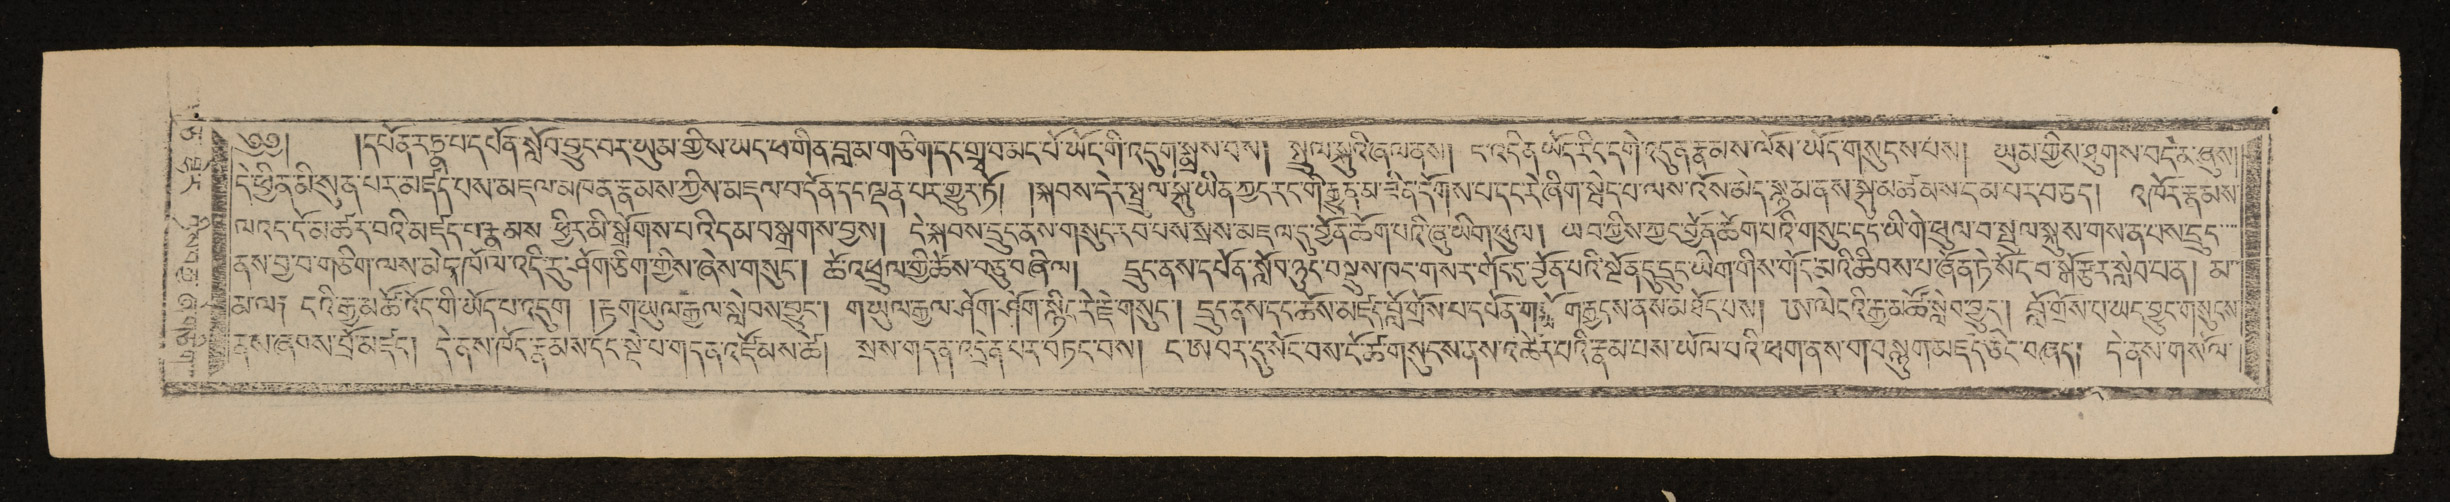༄༅། །དཔོན་རཏྣ་པ་དཔོན་སློབ་བྱུང་བར་ཡུམ་གྱིས་ཡང་ཕ་གིན་བླ་མ་གཅིག་དང་གྲྭ་བ་མང་པོ་ཡོང་གི་འདུག་སྨྲས་པས། སྤྲུལ་སྐུའི་ཞལ་ནས། ང་འདི་ན་ཡོད་རིང་དགེ་འདུན་རྣམས་ལོས་ཡོང་གསུངས་པས། ཡུམ་གྱིས་ཐུགས་བདེན་ཞུས།
དེ་ཕྱིན་མི་སུན་པར་མཛད་པས་མཇལ་མཁན་རྣམས་ཀྱིས་མཇལ་བ་དོན་དང་ལྡན་པར་གྱུར་ཏོ། །སྐབས་དེར་སྤྲུལ་སྐུ་ཡིན་ཀྱང་རང་གི་རྒྱུད་མ་ཟིན་དོགས་པ་དང་རེ་ཞིག་སྦེད་པ་ལས་འོས་མེད་སྙམ་ནས་སྐུ་མཚམས་དམ་པར་བཅད། འཁོར་རྣམས་
ལའང་ངོ་མཚར་བའི་མཛད་པ་རྣམས་ཕྱིར་མི་སྒྲོགས་པའི་དམ་བསྒྲགས་བྱས། དེ་སྐབས་དྲུང་ནས་གསུང་རབ་པས་སྲས་མཇལ་དུ་བྱོན་ཆོག་པའི་ཞུ་ཡིག་ཕུལ། ཡབ་ཀྱིས་ཀྱང་བྱོན་ཆོག་པའི་གསུང་དང་ཡི་གེ་ཕུལ་བ་སྤྲུལ་སྐུས་གསན་པས་དྲུང་
ནས་བྱ་བ་གཅིག་ལས་མེད་ཁོ་ལ་འདི་རུ་ཤོག་ཅིག་གྱིས་ཞེས་གསུང་། ཆོ་འཕྲུལ་གྱི་ཚེས་བཅུ་བཞི་ལ། དྲུང་ནས་དཔོན་སློབ་ཉུང་བསྡུས་ཁང་གསར་གོང་དུ་བྱོན་པའི་སྔོན་དུ་དྲུང་ཡིག་གིས་གོང་མའི་ཆིབས་པ་ཞོན་ཏེ་སང་བ་སྒོ་རྩར་སླེབ་པ་ན། མ་
མ་ལ༑ ངའི་རྒྱ་མཚོ་འོང་གི་ཡོད་པ་འདུག །རྟ་གཡུལ་རྒྱལ་སླེབས་བྱུང་། གཡུལ་རྒྱལ་ཤོག་ཤོག་སྙིང་རེ་རྗེ་གསུང་། དྲུང་ནས་དང་ཆོས་མཛད་བློ་གྲོས་པ་དཔོན་གཡོག་རྒྱངས་ནས་མཐོང་བས། ཨ་ལེ་ངའི་རྒྱ་མཚོ་སླེབ་བྱུང་། བློ་གྲོས་པ་ཡང་བྱུང་གསུངས་
ནས་ཞབས་བྲོ་མཛད། དེ་ནས་ཁོང་རྣམས་དང་སྡེ་པ་གདན་འཛོམས་ཚེ། སྲས་གདན་འདྲེན་པར་བཏང་བས། ང་ཨ་བར་དུ་སོང་བས་ངོ་ཚ་གསུངས་ནས་འཚེར་བའི་རྣམ་པས་ཡོལ་བའི་ཕག་ནས་གབ་སྙུག་མཛད་ཅིང་བཞད། དེ་ནས་གསོལ་